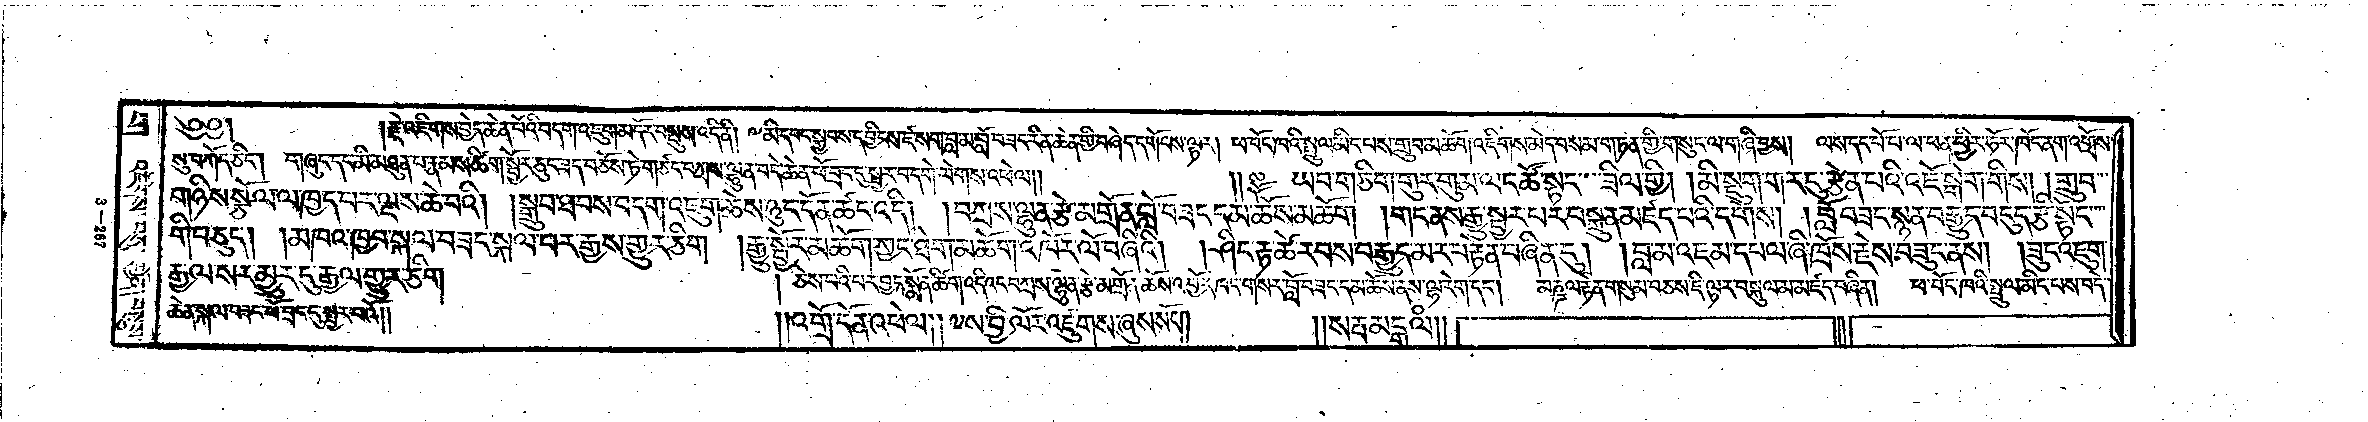༄༅། །རྗེ་འཇིགས་བྱེད་ཆེན་པོའི་བདག་འཇུག་མདོར་བསྡུས་འདི་ནི། ༧མི་དབང་སྐྱབས་ཛ་སག་བླ་མ་བློ་བཟང་རིན་ཆེན་གྱི་བཞེད་དགོངས་ལྟར། ཕ་བོང་ཁའི་སྤྲུལ་མིང་པས་གྲུབ་མཆོག་འཇིགས་མེད་བསམ་གཏན་གྱི་གསུང་ལ་གཞི་བྱས། ལས་དང་པོ་པ་ལ་ཕན་ཕྱིར་ཧོར་ཁོང་ནག་འགྲོས་
སུ་བཀོད་ཅིང་། གཞུང་དང་མི་མཐུན་པ་རྣམས་ཚིག་སྦྱོར་ཅུང་ཟད་བཅོས་ཏེ་གཙང་བཀྲས་ལྷུན་བདེ་ཆེན་ཕོ་བྲང་དུ་སྦྱར་བ་དགེ་ལེགས་འཕེལ།། །། ༈ ཡབ་གཅིག་གུར་གུམ་ལང་ཚོ་སྟང་ཟིལ་གྱི། །མི་སྡུག་གར་དུ་རྩེན་པའི་འཛེ་སྒེག་གིས། །གྲུབ་
གཉིས་སྩོལ་ལ་ཁྱད་པར་ལྔས་ཆེ་བའི། །སྒྲུབ་ཐབས་བདག་འཇུག་ཆེས་ཉུང་དོན་ཚང་འདི། །བཀྲས་ལྷུན་རྩེ་མགྲོན་བློ་བཟང་དམ་ཆོས་མཆོག །གང་ནས་རྒྱུ་སྦྱར་པར་བསྐྲུན་མཛད་པའི་དགོས། །བློ་བཟང་སྙན་བརྒྱུད་བདུད་རྩི་སྟོང་
གི་བཅུད། །མཁའ་ཁྱབ་སྐལ་བཟང་སྐལ་བར་རྒྱས་གྱུར་ཅིག །རྒྱུ་སྦྱོར་མཆོག་ཀྱང་ཐེག་མཆོག་འཁོར་ལོ་བཞིའི། །ཤིང་རྟ་ཚེ་རབས་བརྒྱུད་མར་བརྟེན་བཞིན་དུ། །བླ་མ་འཇམ་དཔལ་ཞི་ཁྲོས་རྗེས་བཟུང་ནས། །ཟུང་འཇུག་
རྒྱལ་སར་མྱུར་དུ་རྒྱལ་གྱུར་ཅིག །ཅེས་པའི་པར་བྱང་སྨོན་ཚིག་འདིའང་བཀྲས་ལྷུན་རྩེ་མགྲོན་ཆོས་འབྱོར་ཁང་གསར་བློ་བཟང་དམ་ཆོས་ནས་ལྷ་རེག་དང་། མཎྜལ་རྟེན་གསུམ་བཅས་ཇི་ལྟར་བསྐུལ་མ་མཛད་བཞིན། ཕ་བོང་ཁའི་སྤྲུལ་མིང་པས་བདེ་
ཆེན་སྐལ་བཟང་ཕོ་བྲང་དུ་སྦྱར་བའོ།། །།འགྲོ་དོན་འཕེལ། །༧ས་བྱི་ལོར་འཛུགས་ཞུས་སོང།། །།སརྦ་མངྒལཾ།། །།